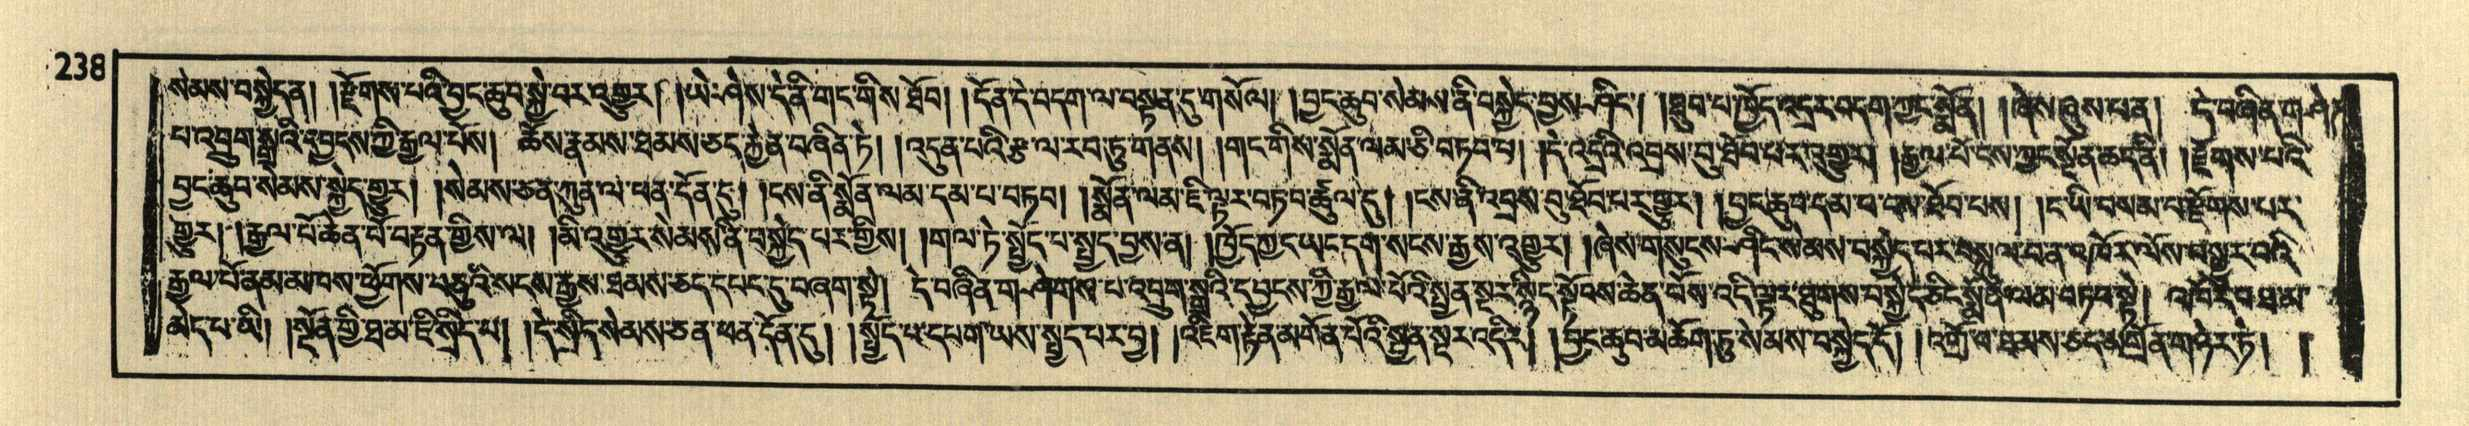སེམས་བསྐྱེད་ན། །རྫོགས་པའི་བྱང་ཆུབ་སྐྱེ་བར་འགྱུར། །ཡེ་ཤེས་དེ་ནི་གང་གིས་ཐོབ། །དོན་དེ་བདག་ལ་བསྟན་དུ་གསོལ། །བྱང་ཆུབ་སེམས་ནི་བསྐྱེད་བྱས་ཤིང་། །ཐུབ་པ་ཁྱོད་འདྲར་བདག་ཀྱང་སྨོན། །ཞེས་ཞུས་པ་ན། དེ་བཞིན་གཤེགས་
པ་འབྲུག་སྒྲའི་དབྱངས་ཀྱི་རྒྱལ་པོས། ཆོས་རྣམས་ཐམས་ཅད་རྐྱེན་བཞིན་ཏེ། །འདུན་པའི་རྩ་ལ་རབ་ཏུ་གནས། །གང་གིས་སྨོན་ལམ་ཅི་བཏབ་པ། །དེ་འདྲའི་འབྲས་བུ་ཐོབ་པར་འགྱུར། །རྒྱལ་པོ་ངས་ཀྱང་སྔོན་ཆད་ནི། །རྫོགས་པའི་
བྱང་ཆུབ་སེམས་སྐྱེད་གྱུར། །སེམས་ཅན་ཀུན་ལ་ཕན་དོན་དུ། །ངས་ནི་སྨོན་ལམ་དམ་པ་བཏབ། །སྨོན་ལམ་ཇི་ལྟར་བཏབ་ཚུལ་དུ། །ངས་ནི་འབྲས་བུ་ཐོབ་པར་གྱུར། །བྱང་ཆུབ་དམ་པ་ངས་ཐོབ་པས། །ང་ཡི་བསམ་པ་རྫོགས་པར་
གྱུར། །རྒྱལ་པོ་ཆེན་པོ་བརྟན་གྱིས་ལ། །མི་འགྱུར་སེམས་ནི་བསྐྱེད་པར་གྱིས། །གལ་ཏེ་སྤྱོད་པ་སྤྱད་བྱས་ན། །ཁྱོད་ཀྱང་ཡང་དག་སངས་རྒྱས་འགྱུར། །ཞེས་གསུངས་ཤིང་སེམས་བསྐྱེད་པར་བསྐུལ་བ་ན་འཁོར་ལོས་བསྒྱུར་བའི་
རྒྱལ་པོ་ནམ་མཁས་ཕྱོགས་བཅུའི་སངས་རྒྱས་ཐམས་ཅད་དབང་དུ་བཞག་སྟེ། དེ་བཞིན་གཤེགས་པ་འབྲུག་སྒྲའི་དབྱངས་ཀྱི་རྒྱལ་པོའི་སྤྱན་སྔར་སྙིང་སྟོབས་ཆེན་པོས་འདི་ལྟར་ཐུགས་བསྐྱེད་ཅིང་སྨོན་ལམ་བཏབ་སྟེ། འཁོར་བ་ཐ་མ་
མེད་པ་ཡི། །སྔོན་གྱི་ཐ་མ་ཇི་སྲིད་པ། །དེ་སྲིད་སེམས་ཅན་ཕན་དོན་དུ། །སྤྱོད་པ་དཔག་ཡས་སྤྱད་པར་བྱ། །འཇིག་རྟེན་མགོན་པོའི་སྤྱན་སྔར་འདིར། །བྱང་ཆུབ་མཆོག་ཏུ་སེམས་བསྐྱེད་དོ། །འགྲོ་བ་ཐམས་ཅད་མགྲོན་གཉེར་ཏེ། །